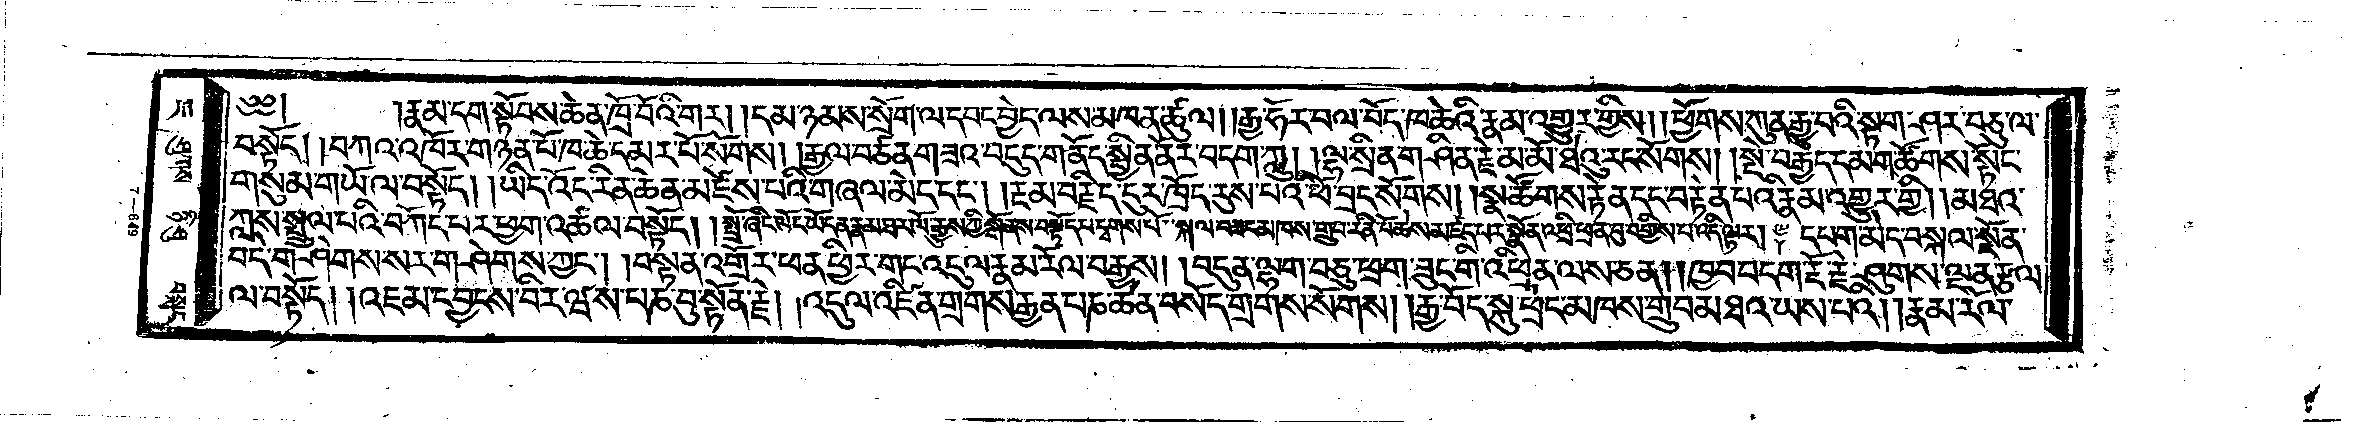༄༅། །རྣམ་དག་སྟོབས་ཆེན་ཁྲོ་བོའི་གར། །དམ་ཉམས་སྲོག་ལ་དབང་བྱེད་ལས་མཁན་ཚུལ། །རྒྱ་ཧོར་བལ་བོད་ཁ་ཆེའི་རྣམ་འགྱུར་གྱིས། །ཕྱོགས་ཀུན་རྒྱུ་བའི་སྟག་ཤར་བཅུ་ལ་
བསྟོད། །བཀའ་འཁོར་གཉན་པོ་ཁ་ཆེ་དམར་པོ་སོགས། །རྒྱལ་བཙན་གཟའ་བདུད་གནོད་སྦྱིན་ནོར་བདག་ཀླུ། །ལྷ་སྲིན་གཤིན་རྗེ་མ་མོ་ཐེའུ་རང་སོགས། །སྡེ་བརྒྱད་དམག་ཚོགས་སྟོང་
གསུམ་གཡོ་ལ་བསྟོད། །ཡིད་འོང་རིན་ཆེན་མཛེས་པའི་གཞལ་མེད་དང་། །རྔམ་བརྗིད་དུར་ཁྲོད་རུས་པའི་ཕོ་བྲང་སོགས། །སྣ་ཚོགས་རྟེན་དང་བརྟེན་པའི་རྣམ་འགྱུར་གྱི། །མཐའ་
ཀླས་སྤྲུལ་པའི་བཀོད་པར་ཕྱག་འཚལ་བསྟོད། །སྤྲོ་ཞིང་ལོང་ཡོད་ན་རྣམ་ཐར་ལོ་རྒྱུས་ཀྱི་སྒོ་ནས་བསྟོད་པ་དྭགས་པོ་སྐལ་བཟང་མཁས་གྲུབ་རིན་པོ་ཆེས་མཛད་པར་སྣོན་འཕྲི་ཕྲན་བུ་བགྱིས་པ་འདི་ལྟར།  ༈ དཔག་མེད་བསྐལ་སྔོན་
བདེ་གཤེགས་སར་གཤགས་ཀྱང་། །བསྟན་འགྲོར་ཕན་ཕྱིར་གང་འདུལ་རྣམ་རོལ་བརྒྱས། །བདུན་ལྷག་བཅུ་ཕྲག་ཟུང་གི་འཕྲིན་ལས་ཅན། །ཁྱབ་བདག་རྡོ་རྗེ་ཤུགས་ལྡན་རྩལ་
ལ་བསྟོད། །འཇམ་དབྱངས་བིར་ཝ་ས་པཎ་བུ་སྟོན་རྗེ། །འདུལ་འཛིན་གྲགས་རྒྱན་པཎ་ཆེན་བསོད་གྲགས་སོགས། །རྒྱ་བོད་སྐུ་ཕྲེང་མཁས་གྲུབ་མཐའ་ཡས་པའི། །རྣམ་རོལ་